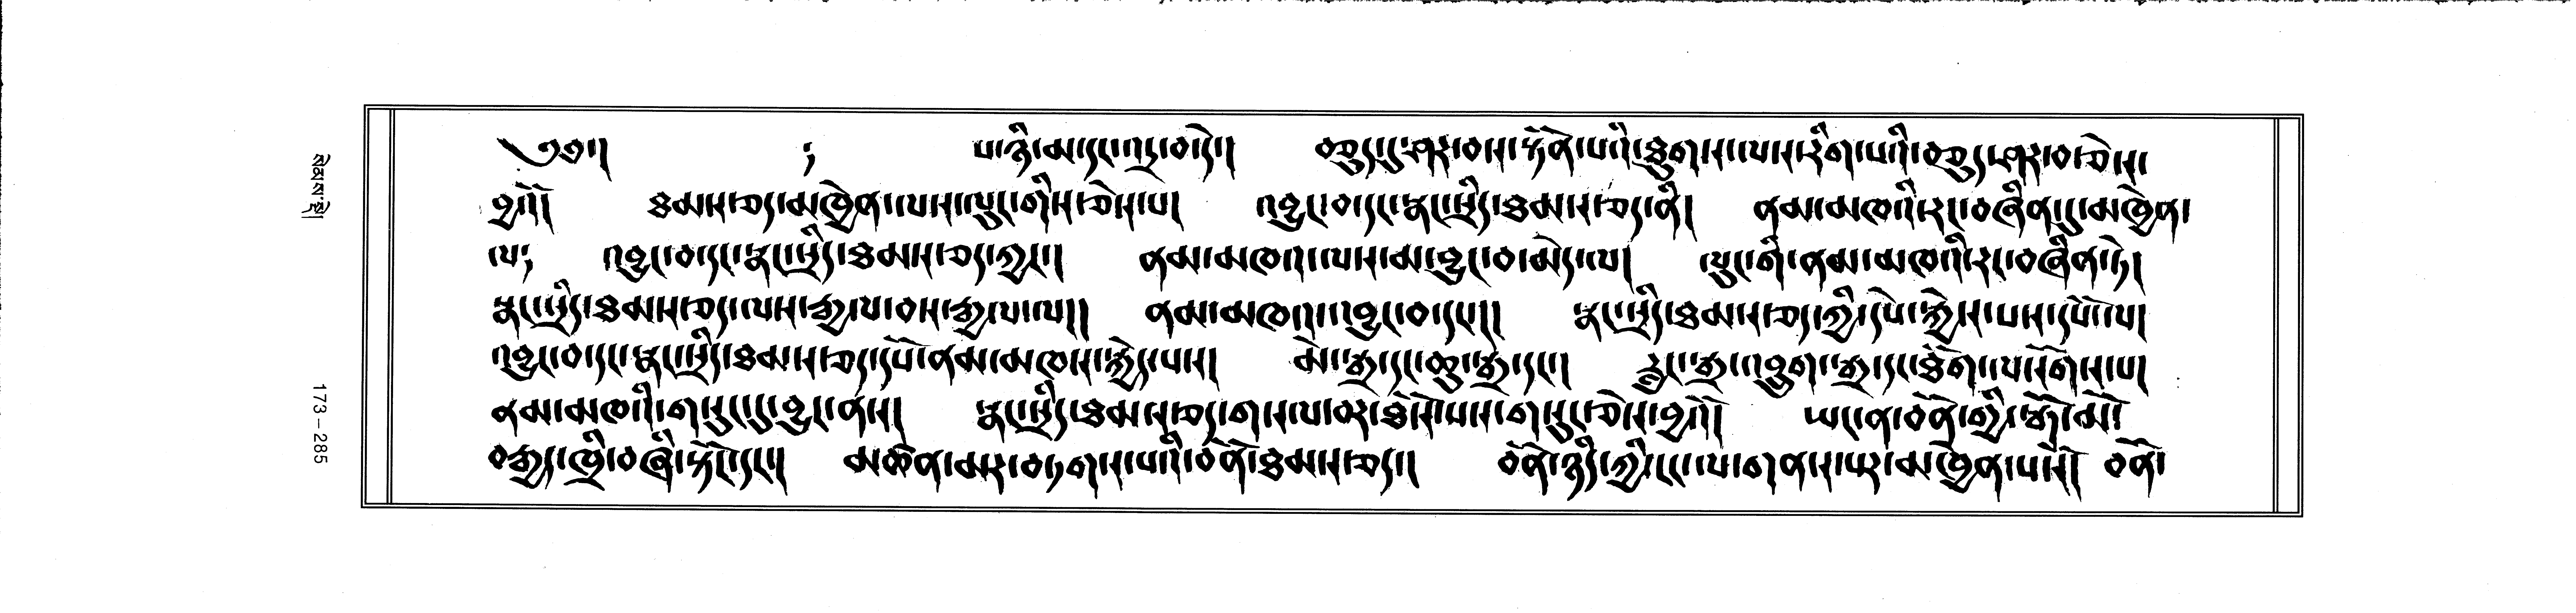པ་ཉི་མ་དང་འདྲ་བ་དེ། བཅུད་དུ་ཤར་བས་སྟོན་པའི་ཐུགས་ལས་རིག་པའི་བཅུད་དུ་ཤར་བ་ཅེས་
བྱའོ། །ཐམས་ཅད་མཁྱེན་པས་ལུང་གི་ཅེས་པ། འབྱུང་བ་དང་སྣང་སྲིད་ཐམས་ཅད་ནི། ནམ་མཁའི་རང་བཞིན་དུ་མཁྱེུན་
ལ། འབྱུང་བ་དང་སྣང་སྲིད་ཐམས་ཅད་ཀྱང་ནམ་མཁའ་ལས་མ་བྱུང་བ་མེད་ལ། ལུང་གི་ནམ་མཁའི་རང་བཞིན་ཏེ། 
སྣང་སྲིད་ཐམས་ཅད་ལས་རྒྱལ་བས་རྒྱལ་ལ། ནམ་མཁའ་འབྱུང་བ་དང་། སྣང་སྲིད་ཐམས་ཅད་ཀྱི་དཔེ་སྐྱེས་པས་དཔེ་ལ། 
འབྱུང་བ་སྣང་སྲིད་ཐམས་ཅད་དཔེ་ནམ་མཁས་བསྐྱེད་པས། མེ་སྒྲ་དང་ཆུ་སྒྲ་དང་རླུང་སྒྲ་འབྲུག་སྒྲ་ཐོག་ལ་སོགས་པ། 
ནམ་མཁའི་གསུང་དུ་བྱུང་ནས། སྣང་སྲིད་ཐམས་ཅད་གསལ་བར་ཐོས་པས་གསུང་ཅེས་བྱའོ། །ཡང་ན་བོན་གྱི་སྒོ་མོ་
བརྒྱད་ཁྲི་བཞི་སྟོང་དང་། མཚན་མར་བཏགས་པའི་བོན་ཐམས་ཅད། བོན་ཉིད་ཀྱི་ངང་ལ་གནས་པར་མཁྱེན་པས་སོ། །བོན་